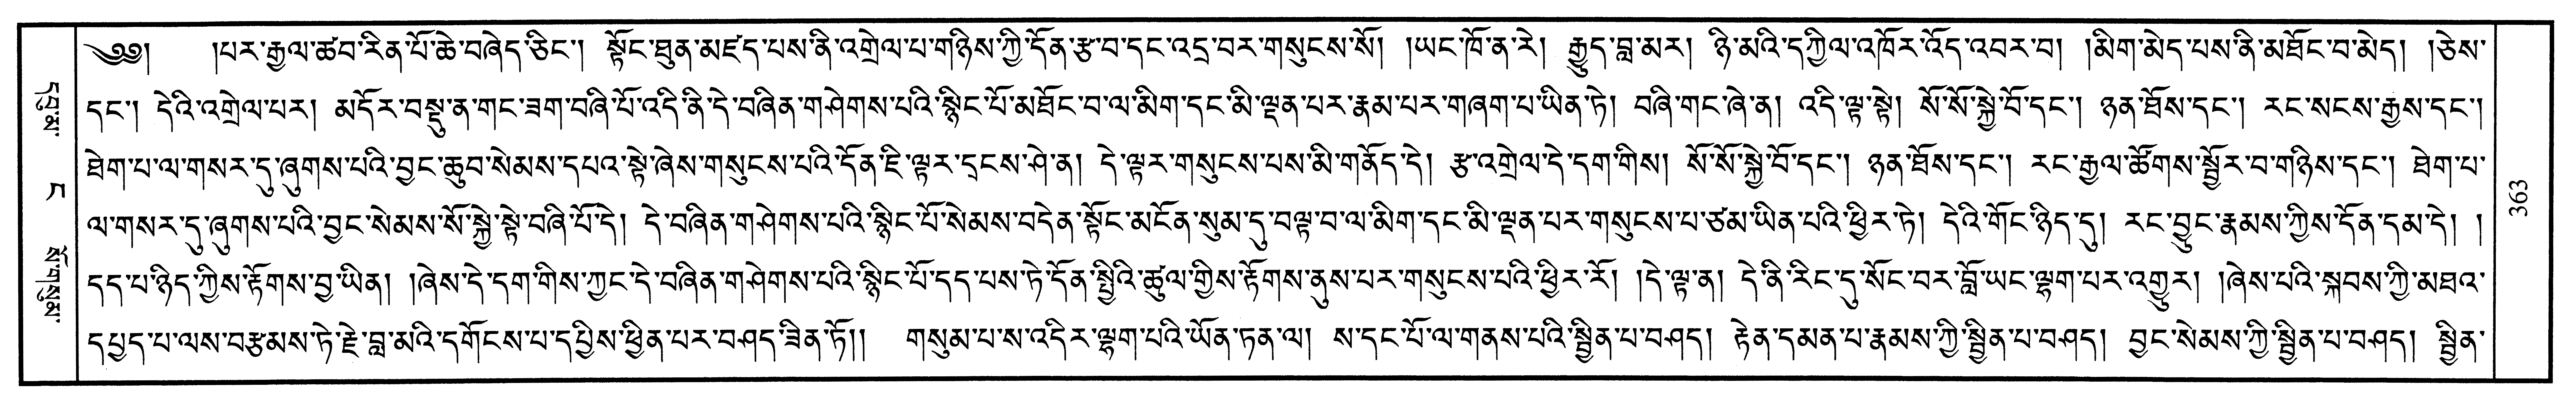༄༅། །པར་རྒྱལ་ཚབ་རིན་པོ་ཆེ་བཞེད་ཅིང་། སྟོང་ཐུན་མཛད་པས་ནི་འགྲེལ་པ་གཉིས་ཀྱི་དོན་རྩ་བ་དང་འདྲ་བར་གསུངས་སོ། །ཡང་ཁོ་ན་རེ། རྒྱུད་བླ་མར། ཉི་མའི་དཀྱིལ་འཁོར་འོད་འབར་བ། །མིག་མེད་པས་ནི་མཐོང་བ་མེད། །ཅེས་
དང་། དེའི་འགྲེལ་པར། མདོར་བསྡུ་ན་གང་ཟག་བཞི་པོ་འདི་ནི་དེ་བཞིན་གཤེགས་པའི་སྙིང་པོ་མཐོང་བ་ལ་མིག་དང་མི་ལྡན་པར་རྣམ་པར་གཞག་པ་ཡིན་ཏེ། བཞི་གང་ཞེ་ན། འདི་ལྟ་སྟེ། སོ་སོ་སྐྱེ་བོ་དང་། ཉན་ཐོས་དང་། རང་སངས་རྒྱས་དང་།
ཐེག་པ་ལ་གསར་དུ་ཞུགས་པའི་བྱང་ཆུབ་སེམས་དཔའ་སྟེ་ཞེས་གསུངས་པའི་དོན་ཇི་ལྟར་དྲངས་ཤེ་ན། དེ་ལྟར་གསུངས་པས་མི་གནོད་དེ། རྩ་འགྲེལ་དེ་དག་གིས། སོ་སོ་སྐྱེ་བོ་དང་། ཉན་ཐོས་དང་། རང་རྒྱལ་ཚོགས་སྦྱོར་བ་གཉིས་དང་། ཐེག་པ་
ལ་གསར་དུ་ཞུགས་པའི་བྱང་སེམས་སོ་སྐྱེ་སྟེ་བཞི་པོ་དེ། དེ་བཞིན་གཤེགས་པའི་སྙིང་པོ་སེམས་བདེན་སྟོང་མངོན་སུམ་དུ་བལྟ་བ་ལ་མིག་དང་མི་ལྡན་པར་གསུངས་པ་ཙམ་ཡིན་པའི་ཕྱིར་ཏེ། དེའི་གོང་ཉིད་དུ། རང་བྱུང་རྣམས་ཀྱིས་དོན་དམ་དེ། །
དད་པ་ཉིད་ཀྱིས་རྟོགས་བྱ་ཡིན། །ཞེས་དེ་དག་གིས་ཀྱང་དེ་བཞིན་གཤེགས་པའི་སྙིང་པོ་དད་པས་ཏེ་དོན་སྤྱིའི་ཚུལ་གྱིས་རྟོགས་ནུས་པར་གསུངས་པའི་ཕྱིར་རོ། །དེ་ལྟ་ན། དེ་ནི་རིང་དུ་སོང་བར་བློ་ཡང་ལྷག་པར་འགྱུར། །ཞེས་པའི་སྐབས་ཀྱི་མཐའ་
དཔྱད་པ་ལས་བརྩམས་ཏེ་རྗེ་བླ་མའི་དགོངས་པ་དཔྱིས་ཕྱིན་པར་བཤད་ཟིན་ཏོ།། གསུམ་པ་ས་འདིར་ལྷག་པའི་ཡོན་ཏན་ལ། ས་དང་པོ་ལ་གནས་པའི་སྦྱིན་པ་བཤད། རྟེན་དམན་པ་རྣམས་ཀྱི་སྦྱིན་པ་བཤད། བྱང་སེམས་ཀྱི་སྦྱིན་པ་བཤད། སྦྱིན་